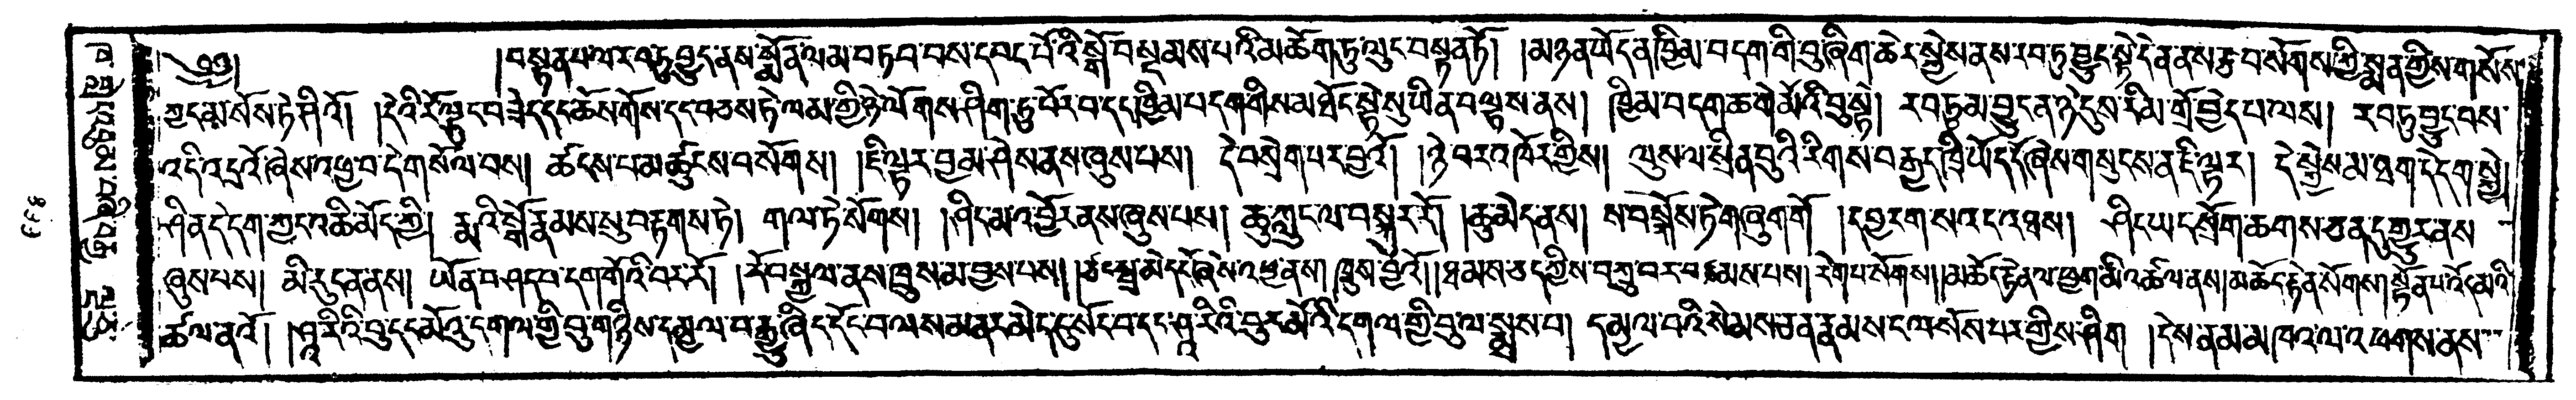༄༅། །བསྟན་པ་ལ་རབ་ཏུ་བྱུང་ནས་སྨོན་ལམ་བཏབ་བས་དབང་པོའི་སྒོ་བསྡམས་པའི་མཆོག་ཏུ་ལུང་བསྟན་ཏོ། །མཉན་ཡོད་ན་ཁྱིམ་བདག་གི་བུ་ཞིག་ཆེར་སྐྱེས་ནས་རབ་ཏུ་བྱུང་སྟེ་དེན་ནས་རྩ་བ་སོགས་ཀྱི་སྨན་གྱིས་གསོས་
ཀྱང་མ་སོས་ཏེ་ཤིའོ། །དེའི་རོ་ལྟུང་བཟེད་དང་ཆོས་གོས་དང་བཅས་ཏེ་ལམ་གྱི་ཉེ་ལོགས་ཤིག་ཏུ་བོར་བ་དང་ཁྱིམ་བདག་གིས་མཐོང་སྟེ་སུ་ཡིན་བལྟས་ནས། ཁྱིམ་བདག་ཆ་གེ་མོའི་བུ་སྟེ། རབ་ཏུ་མ་བྱུང་ན་ཉེ་དུས་རིམ་གྲོ་བྱེད་པ་ལས། རབ་ཏུ་བྱུང་བས་
འདི་འདྲའོ་ཞེས་འཕྱ་བ་དེ་གསོལ་བས། ཚངས་པ་མཚུངས་བ་སོགས། །ཇི་ལྟར་བྱམ་ཤེས་ནས་ཞུས་པས། དེ་བསྲེག་པར་བྱའོ། །ཉེ་བར་འཁོར་གྱིས། ལུས་ལ་སྲིན་བུའི་རིགས་བརྒྱད་ཁྲི་ཡོད་དོ་ཞེས་གསུངས་ན་ཇི་ལྟར། དེ་སྐྱེས་མ་ཐག་དེ་དག་སྐྱེ།
ཤིན་དེ་དག་ཀྱང་འཆི་མོད་ཀྱི། རྨའི་སྒོ་རྣམས་སུ་བརྟགས་ཏེ། གལ་ཏེ་སོགས། །ཤིད་མ་འབྱོར་ནས་ཞུས་པས། ཆུ་ཀླུང་ལ་བསྐུར་རོ། །ཆུ་མེད་ནས། ས་བསྐོས་ཏེ་གཞུག་གོ །དབྱར་ག་སའང་འཐས། ཤིང་ཡང་སྲོག་ཆགས་ཅན་དུ་གྱུར་ནས་
ཞུས་པས། མི་རུང་ན་ནས། ཡོན་བཤད་པ་དག་གོའི་བར་རོ། །རོ་བསྐྱལ་ནས་ཁྲུས་མ་བྱས་པས། །ཙང་སྦྲ་མེ་དོང་ཞེས་འཕྱ་ནས། ཁྲུས་བྱའོ། །ཐམས་ཅད་ཀྱིས་བཀྲུ་བར་བཙམས་པས། རེག་པ་སོགས། །མཆོད་རྟེན་ལ་ཕྱག་མི་འཚལ་ནས། མཆོད་རྟེན་སོགས། སྟོན་པ་འོད་མའི་
ཚལ་ནའོ། །ཤཱ་རིའི་བུ་དང་མོའུ་དགལ་གྱི་བུ་གཉིས་དམྱལ་བ་རྒྱུ་ཞིང་དོང་བ་ལས་མནར་མེད་དུ་སོང་བ་དང་ཤཱ་རིའི་བུར་མོའི་དགལ་གྱི་བུ་ལ་སྨྲས་པ། དམྱལ་བའི་སེམས་ཅན་རྣམས་ངལ་སོས་པར་གྱིས་ཤིག །དེས་ནམ་མཁའ་ལ་འཕགས་ནས་